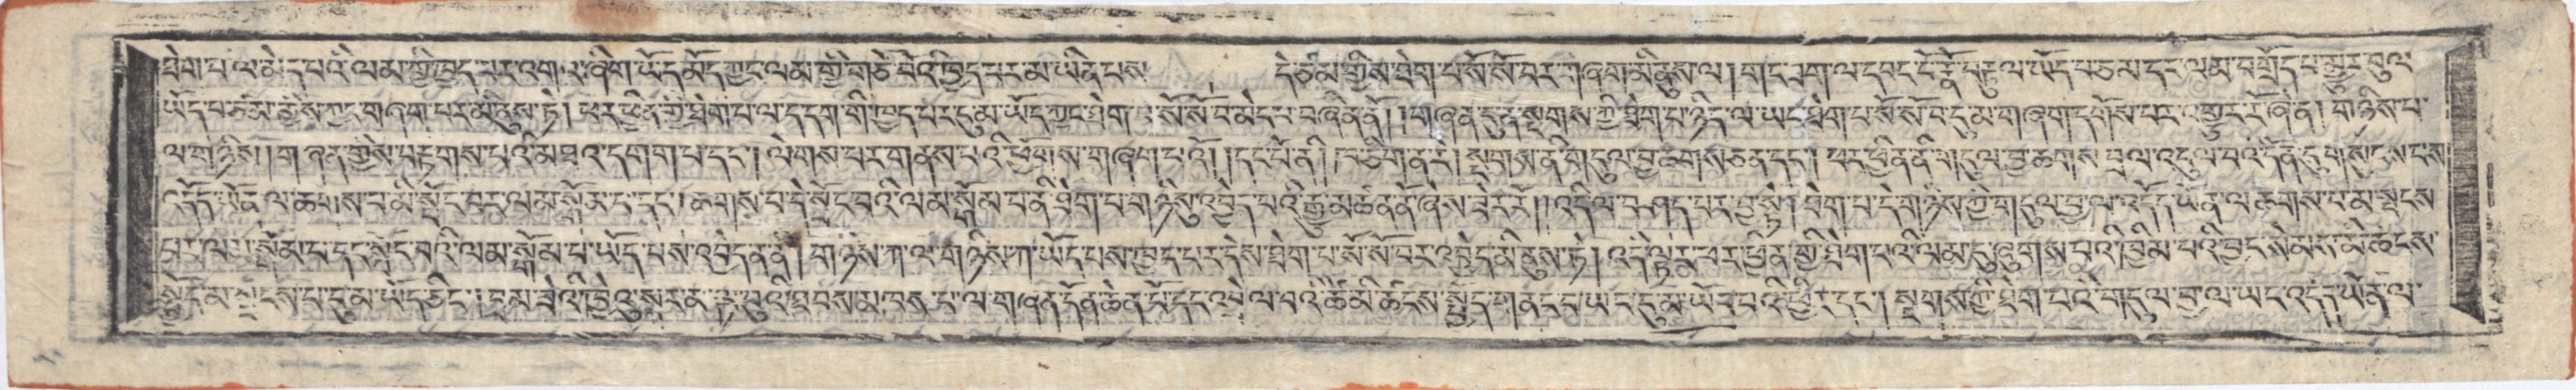ཐེག་པ་ལ་མེད་པའི་ལམ་གྱི་ཁྱད་པར་འགའ་ཞིག་ཡོད་མོད་ཀྱང་ལམ་གྱི་གཙོ་བོའི་ཁྱད་པར་མ་ཡིན་པས། དེ་ཙམ་གྱིས་ཐེག་པ་སོ་སོ་བར་གཞག་མི་ནུས་ལ། གང་ཟག་ལ་དབང་པོ་རྣོ་བརྟུལ་ཡོད་པ་ཙམ་དང་ལམ་བགྲོད་པ་མྱུར་བུལ་
ཡོད་པ་ཙམ་གྱིས་ཀྱང་གཞག་པར་མི་ནུས་ཏེ། ཕར་ཕྱིན་གྱི་ཐེག་པ་ལ་དེ་དག་གི་ཁྱད་པར་དུ་མ་ཡོད་ཀྱང་ཐེག་པ་སོ་སོ་བ་མེད་པ་བཞིན་ནོ། །གཞན་དུ་ན་སྔགས་ཀྱི་ཐེག་པ་ཉིད་ལ་ཡང་ཐེག་པ་སོ་སོ་བ་དུ་མ་གཞག་དགོས་པར་འགྱུར་རོ་ཞེ་ན། གཉིས་པ་
ལ་གཉིས། གཞན་གྱིས་བརྟགས་པའི་མཐའ་དགག་པ་དང་། ལེགས་པར་གནས་པའི་ཕྱོགས་གཞག་པའོ། །དང་པོ་ནི། ཁ་ཅིག་ན་རེ། སྔགས་ནི་གདུལ་བྱ་ཆགས་ཅན་དང་། ཕར་ཕྱིན་ནི་གདུལ་བྱ་ཆགས་བྲལ་འདུལ་བའི་དོན་དུ་གསུངས་པས་
འདོད་ཡོན་ལ་ཆགས་པ་མི་སྤོང་བར་ལམ་སྒོམ་པ་དང་། ཆགས་པ་དེ་སྤོང་བའི་ལམ་སྒོམ་པ་ནི་ཐེག་པ་གཉིས་སུ་འབྱེད་པའི་རྒྱུ་མཚན་ནོ་ཞེས་ཟེར་རོ། །འདི་ལ་བཤད་པར་བྱ་སྟེ། ཐེག་པ་དེ་གཉིས་ཀྱི་གདུལ་བྱ་ལ་འདོད་ཡོན་ལ་ཆགས་པ་མ་སྤངས་
པར་ལམ་སྒོམ་པ་དང་སྤོང་བའི་ལམ་སྒོམ་པ་ཡོད་པས་འབྱེད་ན་ནི། གཉིས་ཀ་ལ་གཉིས་ཀ་ཡོད་པས་ཁྱད་པར་དེས་ཐེག་པ་སོ་སོ་བར་འབྱེད་མི་ནུས་ཏེ། འདི་ལྟར་ཕར་ཕྱིན་གྱི་ཐེག་པའི་ལམ་དུ་ཞུགས་པའི་ཁྱིམ་པའི་བྱང་སེམས་མི་ཚངས་
སྤྱོད་མ་སྤངས་པ་དུ་མ་ཡོད་ཅིང་། བྲམ་ཟེའི་ཁྱེའུ་སྐར་མ་ལྟ་བུའི་ཐབས་མཁས་པ་ལ་གཞན་དོན་ཆེན་པོ་དང་འབྲེལ་བའི་ཚེ་མི་ཚངས་སྤྱོད་གནང་བ་ཡང་དུ་མ་ཡོད་པའི་ཕྱིར་དང་། སྔགས་ཀྱི་ཐེག་པའི་གདུལ་བྱ་ལ་ཡང་འདོད་ཡོན་ལ་